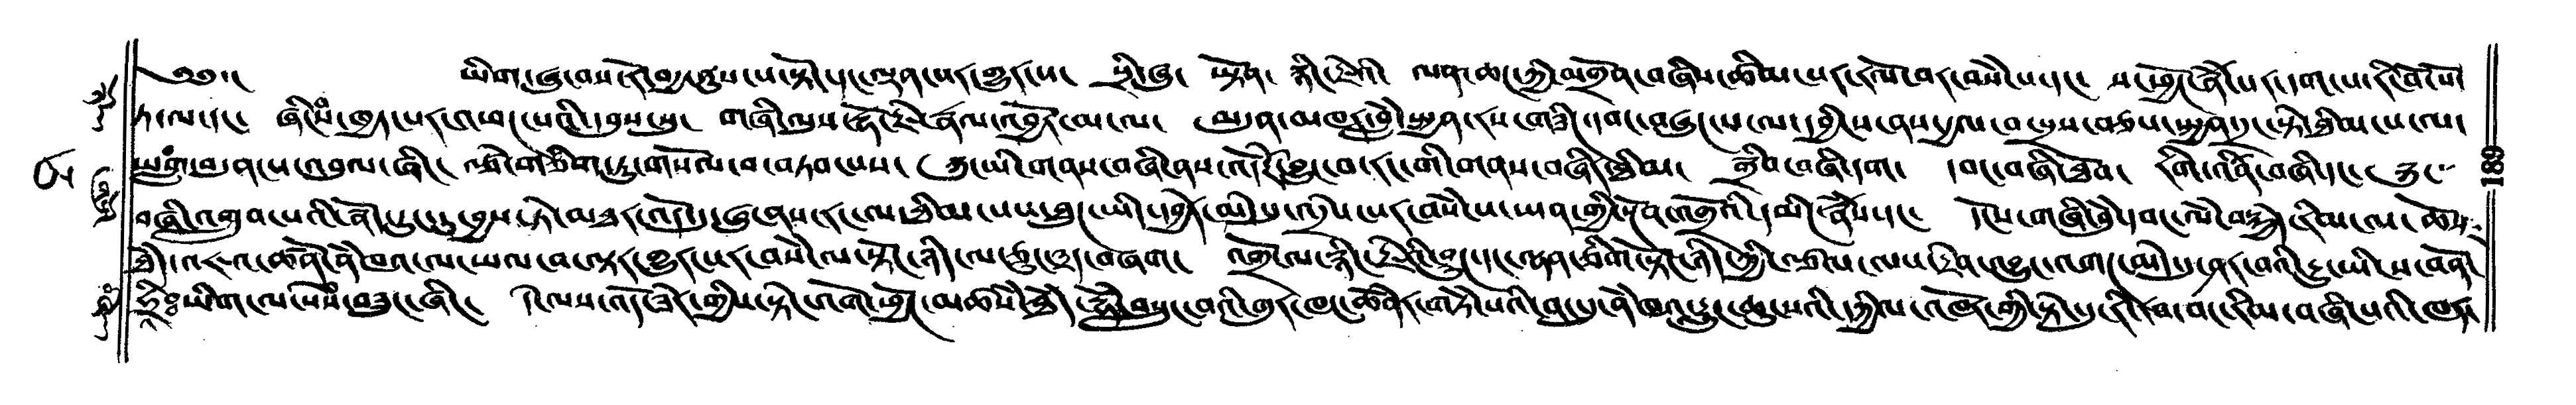ཡིག་ཞུ་བས་རོ་བརྒྱ་ནུས་པ་སྟོང་དང་ལྡན་པར་གྱུར་པ། སྲི་ཞུ། ཡོན་ཏན། སྙིང་རྗེའི། ལན་ཆགས་ཀྱི་མགྲོན་བཞིས་ཚིམ་པར་རོལ་བར་བསམ་པ་དང་། ས་ཕྱོགས་རྣམ་པར་དག་པ་རི་བོ་པོ་
ཏཱ་ལ་དང་། ཞིང་ཁམས་ཁྱད་པར་འཕགས་པའི་དབུས་སུ། གཞི་ལུས་རྡོ་རྗེ་རྣལ་འབྱོར་མ་ལ།མདུན་མཁར་བླ་མ་སྤྱན་རས་གཟིགས་དབང་བཞུགས་པ་དབྱིངས་ནས་རྒྱལ་བ་སྲས་བཅས་སྤྱན་དྲངས་ཏེ་ཐིམ་པ་ལ་
ཡན་ལག་བདུན་པ་འབུལ་ཞིང་། རྩེ་གཅིག་ཏུ་གསོལ་བ་བཏབ་པས། སྐུ་ཡི་གནས་བཞི་ནས་འོད་ཟེར་བྱུང་བ་རང་གི་གནས་བཞིར་ཐིམ། སྒྲིབ་བཞི་དག དབང་བཞི་ཐོབ། རིག་འཛིན་བཞི་དང་། སྐུ་
བཞི་འགྲུབ་པའི་སྣོད་རུང་དུ་བྱས་ཏེ། མཐར་འོད་དུ་ཞུ་ནས་རང་ལ་ཐིམ་པས་ཐུགས་ཡིད་དབྱེར་མེད་དུ་འདྲེས་པར་བསམ་པ་ཡན་གྱི་སྔོན་འགྲོའི་དམིགས་རྣམས་དང་། ༈ དངོས་བཞི་བུམ་དབང་ལམ་བསྐྱེད་རིམ་ལ་ཆོས་
ཐམས་ཅད་འཇའ་ཚོན་ནམ་མཁའ་ལ་ཡལ་བ་ལྟར་གྱུར་པར་བསམ་ལ་སྟོང་ཉིད་ལ་ཅུང་ཟད་གཞག འགྲོ་ལ་སྙིང་རྗེའི་ཤུགས་དང་ལྷན་ཅིག་སྟོང་ཉིད་ཀྱི་རྩལ་ལས་རྟེན་འབྱུང་འགག་མེད་དུ་ཤར་བའི་རྒྱུ་ཡི་ས་བོན་
ཧྲཱིཿཡིག་ལ་སེམས་བཟུང་ཞིང་། དེ་ལས་འོད་ཟེར་གྱིས་སྟེང་འོག་ཕྱོགས་མཚམས་ཐམས་ཅད་རྡོ་རྗེ་བསྲུང་བའི་གུར་ཁང་ཆེན་པོར་གཏམས་པའི་ནང་དུ་ནམ་མཁའ་རླུང་ཆུ་སའི་དཀྱིལ་འཁོར་གྱི་སྟེང་དུ་རི་རབ་བང་རིམ་བཞི་པའི་ཁར།